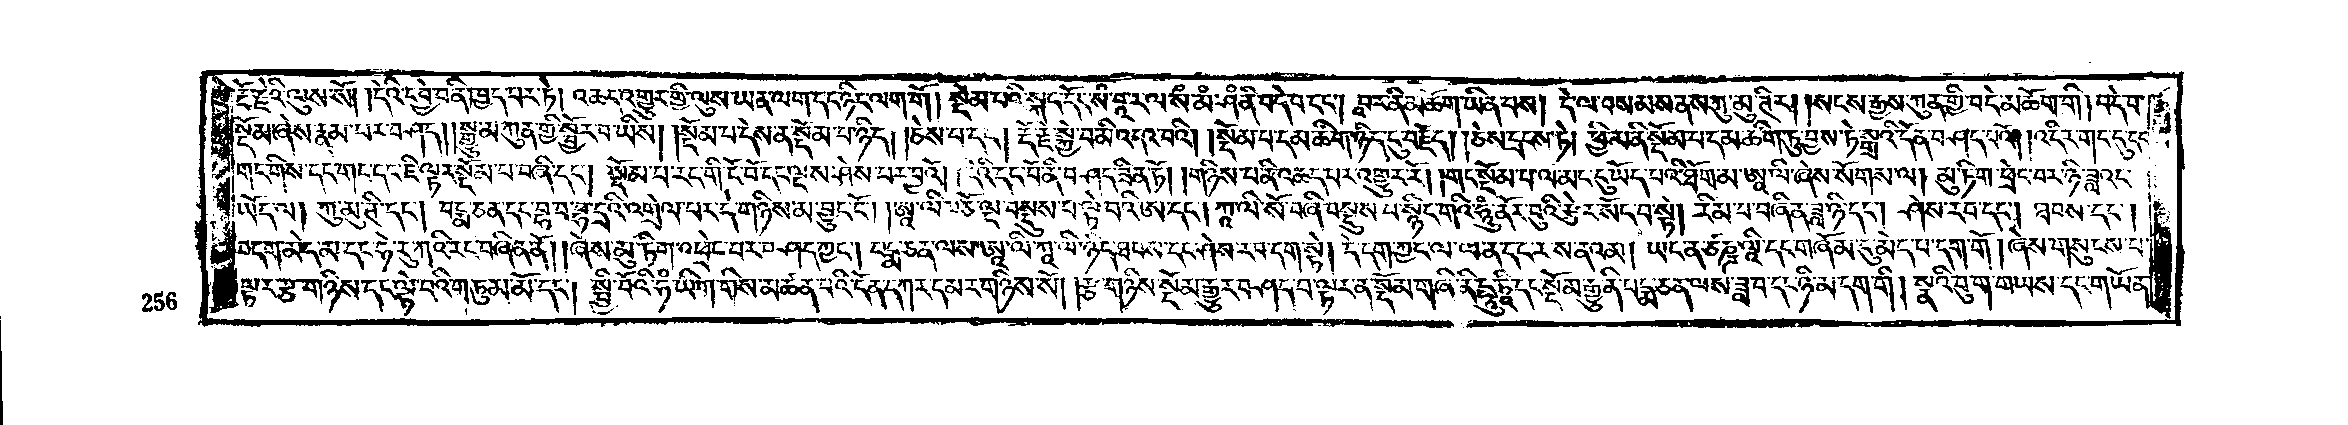རྡོ་རྗེའི་ལུས་སོ། །དེའི་དབྱེ་བ་ནི་ཁྱད་པར་ཏེ། འཆད་འགྱུར་གྱི་ལུས་ཡན་ལག་དང་ཉིད་ལག་གོ །སྡོམ་པའི་སྐད་དོད་སཾ་བཱ་ར་ལ་སཾ་མཾ་ཤཾ་ནི་བདེ་བ་དང་། བཱ་ར་ནི་མཆོག་ཡིན་པས། དེ་ལ་བསམས་ནས་ཀུ་མུ་ཊིར། །སངས་རྒྱས་ཀུན་གྱི་བདེ་མཆོག་གི །བདེ་བ་
སྡོམ་ཞེས་རྣམ་པར་བཤད། །སྒྱུ་མ་ཀུན་གྱི་སྦྱོར་བ་ཡིས། །སྡོམ་པ་དེས་ན་སྡོམ་པ་ཉིད། །ཅེས་པ་དང་། རྡོ་རྗེ་སྐྱེ་བ་མི་འདའ་བའི། །སྡོམ་པ་དམ་ཚིག་ཉིད་དུ་བརྗོད། །ཅེས་དྲངས་ཏེ། ཕྱི་མ་ནི་སྡོམ་པ་དམ་ཚིག་ཏུ་བྱས་ཏེ་སྒྲའི་དོན་བཤད་པའོ། །འདིར་གང་དུ་དང་
གང་གིས་དང་གང་དང་ཇི་ལྟར་སྡོམ་པ་བཞི་དང་། སྡོམ་པ་རང་གི་ངོ་བོ་དང་ལྔས་ཤེས་པར་བྱའོ། །དེའི་དང་པོ་ནི་བཤད་ཟིན་ཏོ། །གཉིས་པ་ནི་འཆད་པར་འགྱུར་རོ། །གང་སྡོམ་པ་ལ་མང་དུ་ཡོད་པའི་ཐོག་མ་ཨཱ་ལི་ཞེས་སོགས་ལ། མུ་ཏིག་ཕྲེང་བར་ཉི་ཟླའང་
ཡོད་ལ། ཀུ་མུ་ཊི་དང་། པདམ་ཅན་དང་བྷ་བ་བྷ་དྲའི་འགྲེལ་པར་དེ་གཉིས་མ་བྱུང་ངོ། །ཨཱ་ལི་བཅོ་ལྔ་བསྡུས་པ་ལྟེ་བའི་ཨ་དང་། ཀཱ་ལི་སོ་བཞི་བསྡུས་པ་སྙིང་གའི་ཧཱུཾ་ནོར་བུའི་རྩེར་སོང་བ་སྟེ། རིམ་པ་བཞིན་ཟླ་ཉི་དང་། ཤེས་རབ་དང་། ཐབས་དང་།
བདག་མེད་མ་དང་ཧེ་རུ་ཀའི་རང་བཞིན་ནོ། །ཞེས་མུ་ཏིག་འཕྲེང་བར་བཤད་ཀྱང་། པདམ་ཅན་ལས་ཨཱ་ལི་ཀཱ་ལི་ཉིད་ཐབས་དང་ཤེས་རབ་དག་སྟེ། དེ་དག་ཀྱང་ལ་ཡ་ན་དང་ར་ས་ནའམ། ཡང་ན་ཙཎྜ་ལཱི་དང་གཞོམ་དུ་མེད་པ་དག་གོ །ཞེས་གསུངས་པ་
ལྟར་རྩ་གཉིས་དང་ལྟེ་བའི་གཏུམ་མོ་དང་། སྤྱི་བོའི་ཧཾ་ཡིག་གིས་མཚན་པའི་དོན་དཀར་དམར་གཉིས་སོ། །རྩ་གཉིས་སྡོམ་རྒྱུར་བཤད་པ་ལྟར་ན་སྡོམ་གཞི་ནི་དྷཱུ་ཏཱི་དང་སྡོམ་རྒྱུ་ནི་པདམ་ཅན་ལས་ཟླ་བ་དང་ཉི་མ་དག་གི །སྣའི་བུ་ག་གཡས་དང་གཡོན་